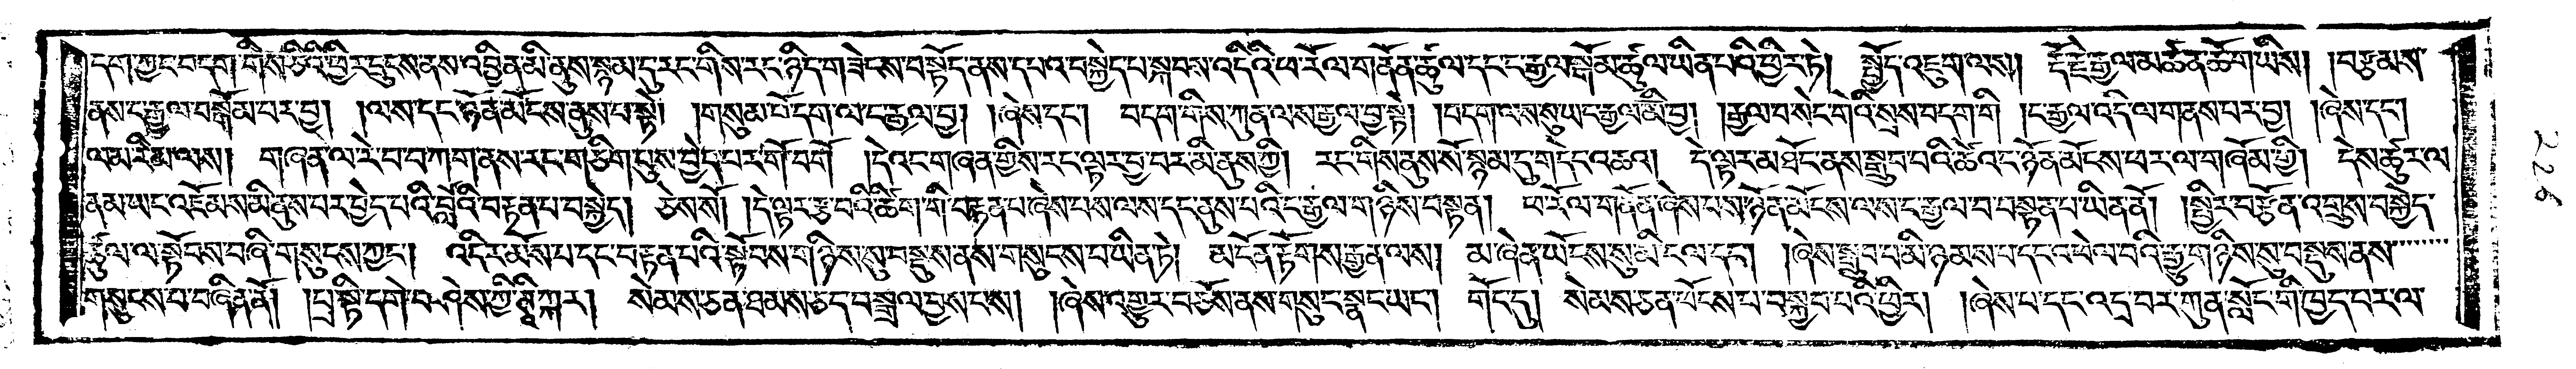དག་ཀྱང་བདག་གིས་ཅིའི་ཕྱིར་དྲུངས་ནས་འབྱིན་མི་ནུས་སྙམ་དུ་རང་གིས་རང་ཉིད་གཟེངས་བསྟོད་ནས་དཔའ་བསྐྱེད་པ་སྐབས་འདིའི་ཕ་རོལ་གནོན་ཚུལ་དང་ང་རྒྱལ་སྒོམ་ཚུལ་ཡིན་པའི་ཕྱིར་ཏེ། སྤྱོད་འཇུག་ལས། རྡོ་རྗེ་རྒྱལ་མཚན་ཆོ་ག་ཡིས། །བརྩམས་
ནས་ང་རྒྱལ་བསྒོམ་པར་བྱ། །ལས་དང་ཉོན་མོངས་ནས་བ་སྟེ། །གསུམ་པོ་དག་ལ་ང་རྒྱལ་བྱ། །ཞེས་དང་། བདག་གིས་ཀུན་ལས་རྒྱལ་བྱ་སྟེ། །བདག་ལས་སུ་ཡང་རྒྱལ་མི་བྱ། །རྒྱལ་བ་སེང་གེའི་སྲས་བདག་གི །ང་རྒྱལ་འདི་ལ་གནས་པར་བྱ། །ཞེས་དང་།
ལམ་རིམ་ལས། གཞན་ལ་རེ་བ་བཀག་ནས་རང་གཅིག་པུས་ཕྱེད་པར་གོ་བགོ །དེའང་གཞན་གྱིས་རང་ལྟར་བྱ་བར་མི་ནུས་ཀྱི། རང་གིས་ནུས་སོ་སྙམ་དུ་གདེང་འཆའ། དེ་ལྟར་མཐོང་ནས་སྒྲུབ་བའི་ཚེ་འང་ཉོན་མོངས་པར་ལ་གཞོམ་གྱི། དེས་ཚུར་ལ་
ནམ་ཡང་འཇོམས་མི་ནུས་བར་བྱེད་པའི་བློའི་བརྟན་པ་བསྐྱེད། ཅེས་སོ། །དེ་ལྟར་རྩ་བའི་ཚིག་གི་བརྟན་པ་ཞེས་པས་ལས་དང་ནུས་པའི་ང་རྒྱལ་གཉིས་བསྟན། ཕ་རོལ་གནོན་ཞེས་པས་ཉོན་མོངས་ལས་ང་རྒྱལ་བ་བསྟན་པ་ཡིན་ནོ། །སྤྱིར་བརྩོན་འགྲུས་བསྐྱེད་
ཚུལ་ལ་སྟོབས་བཞི་གསུངས་ཀྱང་། འདིར་མོས་པ་དང་བརྟན་པའི་སྟོབས་གཉིས་སུ་བསྡུས་ནས་གསུངས་བ་ཡིན་ཏེ། མངོན་རྟོགས་རྒྱན་ལས། མ་ཞེན་ཡོངས་སུ་མི་ངལ་དང་། །ཞེས་སྒྲུབ་པ་མི་ཉམས་པ་དང་འཕེལ་བའི་རྒྱུ་གཉིས་སུ་བསྡུས་ནས་
གསུངས་བ་བཞིན་ནོ། །པྲ་སྟི་དགེ་བཤེས་ཀྱི་ཊཱིཀྐར། སེམས་ཅན་ཐམས་ཅད་བསྒྲལ་བྱས་པས། །ཞེས་འགྱུར་བཅོས་ནས་གསུང་སྣང་ཡང་། གོང་དུ། སེམས་ཅན་ཕོངས་པ་བསྐྱབ་པའི་ཕྱིར། །ཞེས་པ་དང་འདྲ་བར་ཀུན་སློང་གི་ཁྱད་བར་ལ་